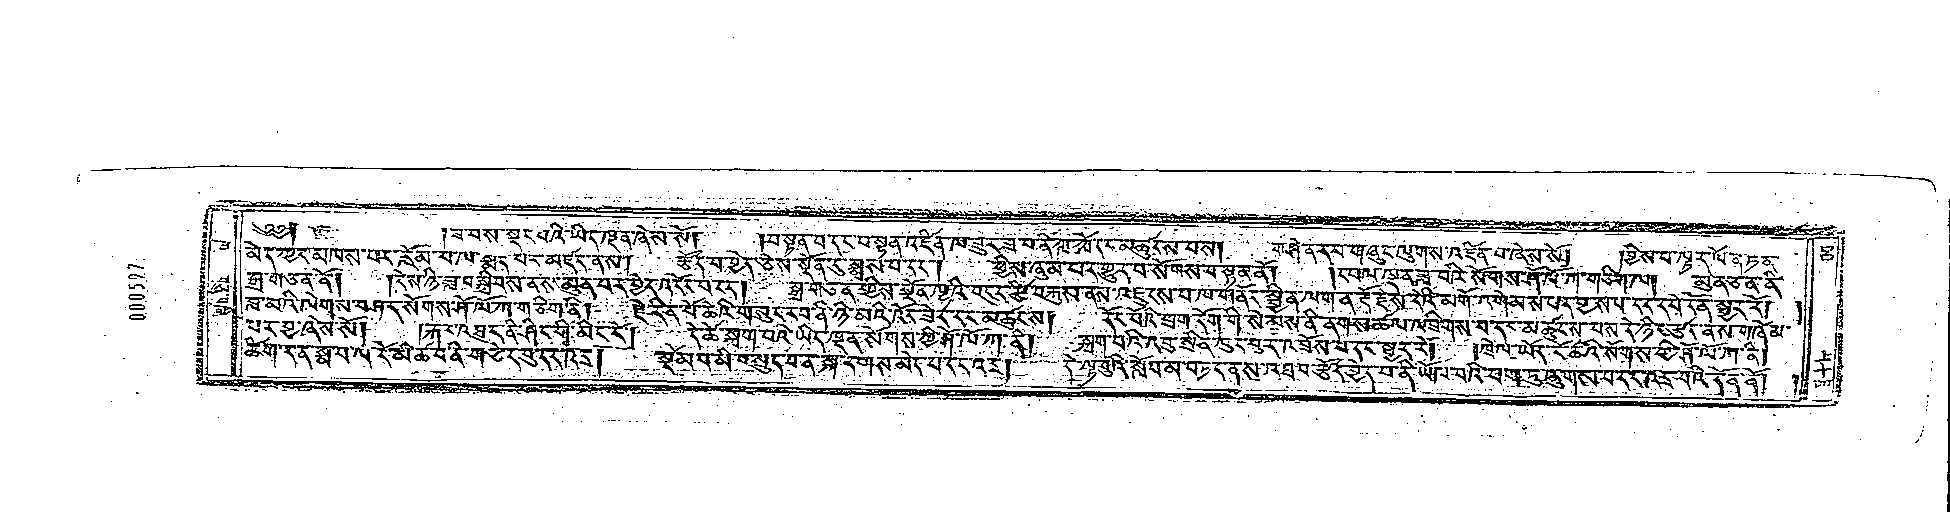༄༅། །ཟ་བས་སྡང་བའི་ཡིད་ལྡན་ཞེས་སོ། །བསྟན་བ་དང་བསྟན་འཛིན་ལ་ཟུར་ཟ་བ་ནི་ཀླ་ཀློ་དང་མཚུངས་པས། གཤེན་རབ་གཞུང་ལུགས་འཛིན་པ་ཞེས་སོ། །བྱིས་པ་ལྟ་ཡོན་ཏན་
མེད་ཀྱང་མཁས་པར་རློམ་པ་ལ་སྨད་པར་མཛད་ནས། རྩོད་པ་བྱེད་ཅེས་སྔོན་དུ་སྨྲས་པ་དང་། ཕྱིས་ཞུམ་པར་གྱུར་བ་སོགས་བསྟན་ནོ། །དཔལ་ལྡན་ཟླ་བའི་སོགས་ཤོ་ལོ་ཀ་གཅིག་ལ། མུན་ཅན་ནི་
སྒྲ་གཅན་ནོ། །དེས་ཉི་ཟླ་བསྒྲིབས་ནས་མུན་བར་བྱེད་འདོད་པ་དང་། སྒྲ་གཅན་གྱིས་སྔོན་ལྷའི་བདུད་རྩི་བརྐུས་ནས་འཇུངས་པ་ལ་གནོད་སྦྱིན་ལག་ན་རྡོ་རྗེས་དེའི་མགོ་འགེམས་པར་བྱས་པ་དང་དཔེ་དོན་སྦྱར་རོ། །
བླ་མའི་ལེགས་བཤད་སོགས་ཤོ་ལོ་ཀ་གཅིག་ནི། རྗེ་རིན་པོ་ཆེའི་གསུང་རབ་ནི་ཉི་མའི་འོད་ཟེར་དང་མཚུངས། རོང་པོའི་ཕྲག་དོག་གི་སེམས་ནི་ནགས་ཚལ་འཁྲིགས་པ་དང་མཚུངས་པས་དེ་ཉིད་རྩད་ནས་གཞོམ་
པར་བྱ་ཞེས་སོ། །རྐང་འཐུང་ནི་ཤིང་གི་མིང་ངོ། །དེ་ཚེ་སྐྲག་བའི་ཡིད་ལྡན་སོགས་ཀྱི་ཤོ་ལོ་ཀ་ནི། སྐྲག་བའི་འབུ་སྲིན་ཁུང་བུར་འབྲོས་པ་དང་སྤྱར་རོ། །ཁྲེལ་ཡོད་ངོ་ཚའི་སོགས་ཀྱི་ཤོ་ལོ་ཀ་ནི།
ཚིག་དན་སྨ་བ་ལ་ངོ་མི་ཚ་བ་ནི་གཅེར་བུ་དང་འདྲ། སྔོམ་པ་མི་བསྲུད་བ་ན་སྐ་རགས་མེད་པ་དང་འདྲ། དེ་ལྟ་བུའི་སློབ་མ་བཏང་ནས་འཐབ་རྩོད་བྱེད་བ་ནི་ཡོལ་བའི་ཕག་ཏུ་ཞུགས་པ་དང་འདྲ་བའི་དོན་ནོ།